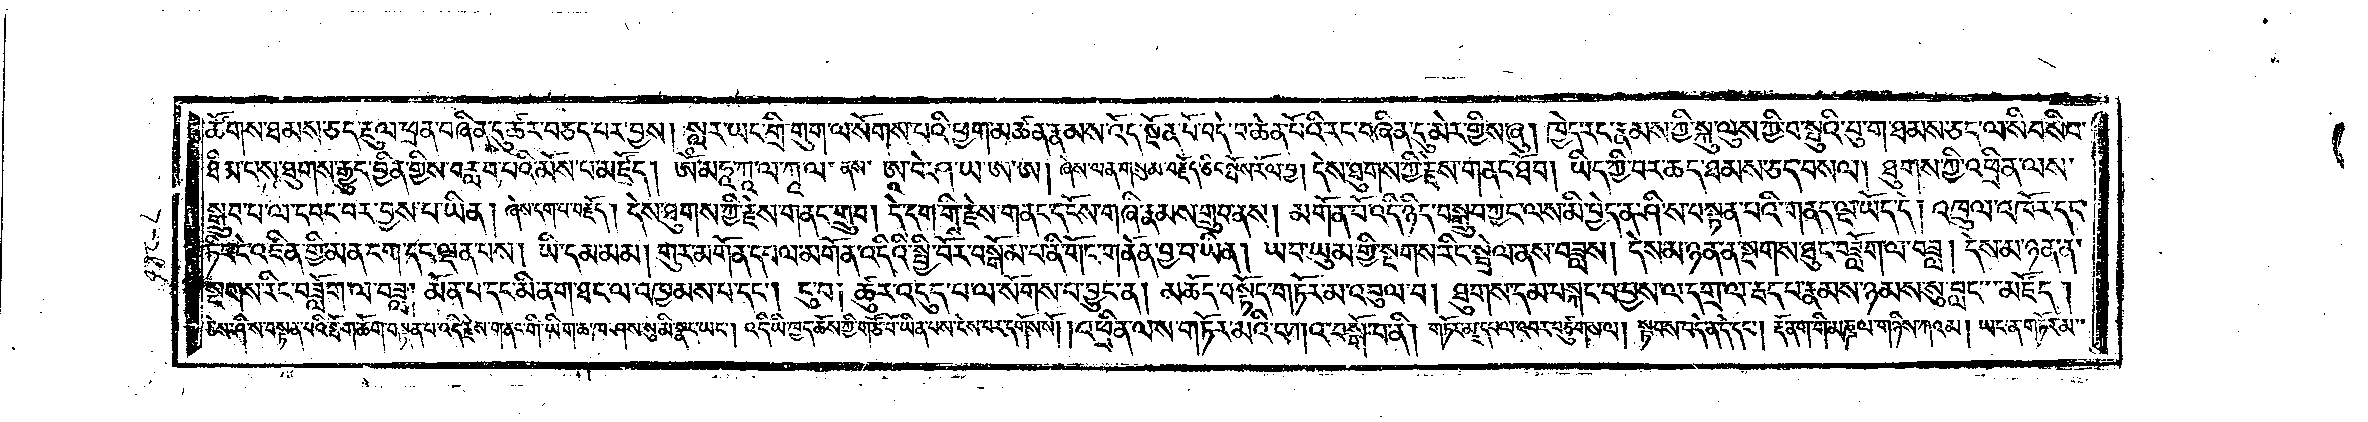ཚོགས་ཐམས་ཅད་རྡུལ་ཕྲན་བཞིན་དུ་ཚར་བཅད་པར་བྱས། སླར་ཡང་གྲི་གུག་ལ་སོགས་པའི་ཕྱག་མཚན་རྣམས་འོད་སྔོན་པོ་བདེ་བ་ཆེན་པོའི་རང་བཞིན་དུ་མེར་གྱིས་ཞུ། ཁྱེད་རང་རྣམས་ཀྱི་སྐུ་ལུས་ཀྱི་བ་སྤུའི་བུ་ག་ཐམས་ཅད་ལ་སིབ་སིབ་
ཐིམ་པས་ཐུགས་རྒྱུད་བྱིན་གྱིས་བརླབ་པའི་མོས་པ་མཛོད། ཨོཾ་མཧཱ་ཀཱ་ལ་ཀཱ་ལ་ནས་ཨཱ་བེ་ཤ་ཡ་ཨ་ཨ། ཞེས་ལན་གསུམ་བརྗོད་ཅིང་སྤོས་རོལ་བྱ།  དེས་ཐུགས་ཀྱི་རྗེས་གནང་ཐོབ། ཡིད་ཀྱི་བར་ཆད་ཐམས་ཅད་བསལ། ཐུགས་ཀྱི་འཕྲིན་ལས་
སྒྲུབ་པ་ལ་དབང་བར་བྱས་པ་ཡིན། ཞེས་དག་པ་བརྗོད།  དེས་ཐུགས་ཀྱི་རྗེས་གནང་གྲུབ། དེ་དག་གིས་རྗེས་གནང་དངོས་གཞི་རྣམས་གྲུབ་ནས། མགོན་པོ་འདི་ཉིད་བསྒྲུབ་ཀྱང་ལས་མི་བྱེད་ན་ཤིས་བསྟན་པའི་གནད་ལྔ་ཡོད་དེ། འཁྲུལ་འཁོར་དང་
ཏིང་ངེ་འཛིན་གྱི་མན་ངག་དང་ལྡན་པས། ཡི་དམ་མ་མ། གུར་མགོན་དཔལ་མགོན་འདིའི་སྤྱི་བོར་བསྒོམ་པ་ནི་གོང་གནོན་བྱ་བ་ཡིན། ཡབ་ཡུམ་གྱི་སྔགས་རིང་སྦྲེལ་ནས་བཟླས། དེས་མཉན་ན་སྔགས་ཐུང་བཟློག་ལ་བཟླ། དེས་མ་ཉན་ན་
སྔགས་རིང་བཟློག་ལ་བཟླ། མོན་པ་དང་མི་ནག་ཐང་ལ་འཁྱམས་པ་དང་། ངུ་བ། ཚུར་འདུད་པ་ལ་སོགས་པ་བྱུང་ན། ཆོད་བསྟོད་གཏོར་མ་འབུལ་བ། ཐུགས་དམ་བསྐང་བ་བྱས་ལ་དགྲ་ལ་རྦད་པ་རྣམས་ཉམས་སུ་བླང་མཛོད།
ཅེས་ཤིས་བསྟན་པའི་སྤོག་ཆོག་བསྟན་པ་འདི་རྗེས་གནང་གི་ཡིག་ཆ་ཁ་ཤས་སུ་མི་སྣང་ཡང་། འདི་ཡི་ཁྱད་ཆོས་ཀྱི་གཙོ་བོ་ཡིན་པས་ངེས་པར་དགོས་སོ།  །འཕྲིན་ལས་གཏོར་མའི་བཀའ་བསྒོ་བ་ནི། གཏོར་མཱ་དཔལ་འབར་བཙུགས་ལ། སྟབས་བདེ་ན་དེ་དང་། རྡོ་ནག་གི་མཎྜལ་གཉིས་ཀའམ། ཡང་ན་གཏོར་མ་